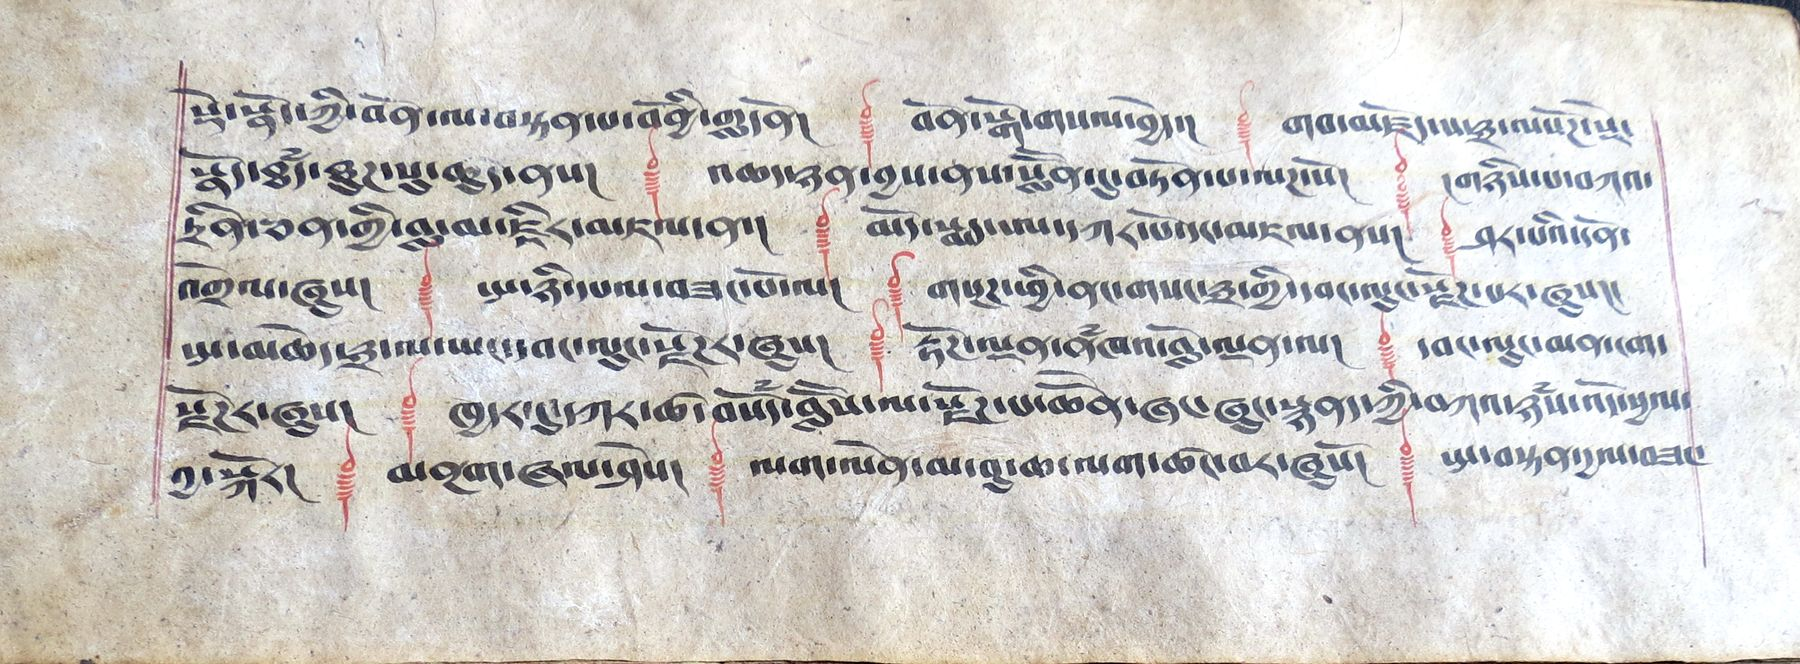སྡེ་སྣོད་ཀྱི་བོན་ལ་བསྟན་པ་བོན་གྱི་ཀླད་དོན། བོན་སྒོ་གསལ་བྱེད། གབ་མཛོད་ས་གསུམ་ལས་སོགས་སྡེ་
སྣོད་ཐམས་ཅད་ཐུགས་སུ་ཆུད་ནས། འཆད་ཉན་བྱས་སློབ་དཔོན་དུ་ཐོན་པ་ལགས་སོ། ། གཉིས་པ་བཀའ་
དྲིན་ཅན་གྱི་བླ་མ་དང་ཅི་ལྟར་མཇལ་ན། མདོ་སྨད་ཨ་དཀར་པོ་དང་མཇལ་ནས། ཤར་བའི་དོན་
དྲིལ་ཞུས། སྤ་ཉི་དཔལ་བཟང་པོ་ལ། གསང་སྔགས་ཕྱི་ནང་གསང་གསུམ་གྱི་དབང་ལུང་མན་ངག་རྫོགས་པར་ཞུས། 
སྤ་མཆེད་གསུམ་ལ་ཡང་དབང་ལུང་མན་ངག་རྫོགས་པར་ཞུས། རྟོགས་ལྡན་ནམ་མཁའ་བློ་ལྡན་ལ། དབང་ལུང་མན་ངག་
རྫོགས་པར་ཞུས། ཁྱད་པར་དུ་ཀར་ཚ་བསོད་ནམས་བློ་གྲོས་ལ་རྫོགས་པ་ཆེན་པོ་ཞང་ཞུང་སྙན་རྒྱུད་ཀྱི་བཀའ་ཉམས། 
འོད་གསལ། བདུན་སྐོར་མན་ངག་ཞལ་ཤེས། ལག་ལེན་མ་བུ་ཆ་ལག་ཚང་པར་ཞུས་སོ། ། སྤ་བསྟན་རྒྱལ་བཟང་པོ་